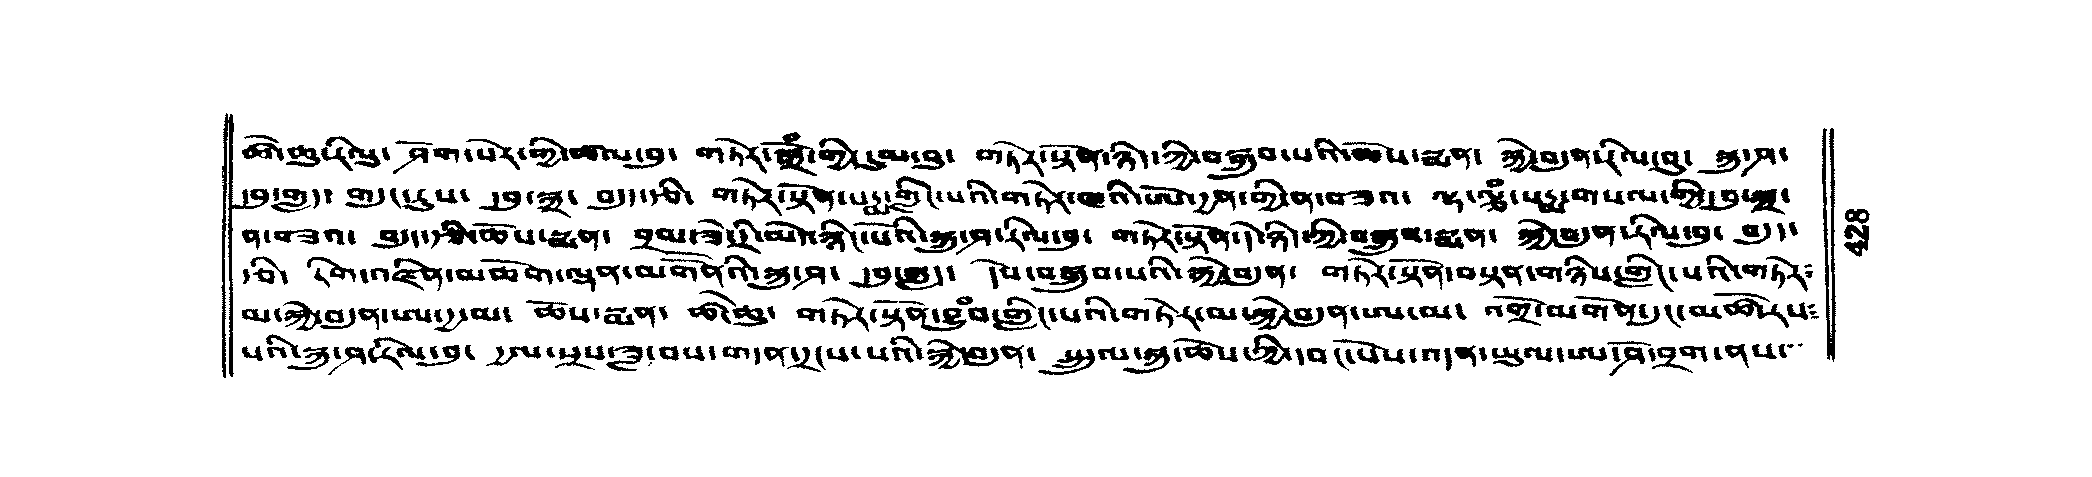ཚེ་ཆུ་རིལ་བུ། ཤོག་སེར་གྱི་ཚལ་བུ། གཏེར་སྒྲོམ་གྱི་དུམ་བུ། གཏེར་སྟོན་ཉིད་ཀྱིས་བསྒྲུབས་པའི་ཆོས་སྨན། སྐྱེ་བདུན་རིལ་བུ། སྐུ་ཤ་
དབུ་ཀླད། གདུང་རུས། དབུ་སྐྲ། བདུད་རྩི། གཏེར་སྟོན་པདྨ་གླིང་པའི་གཏེར་ཁའི་ཨོ་རྒྱན་གྱི་ན་བཟའ། ལྷ་ལྕམ་པདྨ་གསལ་གྱི་དབུ་སྐྲ་
ན་བཟའ། བདུད་རྩི་ཆོས་སྨན། བྲམ་ཟེ་དྲི་མེད་སྙིང་པོའི་སྐུ་ཤ་རིལ་བུ། གཏེར་སྟོན་དེ་ཉིད་ཀྱི་བསྒྲུབས་སྨན། སྐྱེ་བདུན་རིལ་བུ། བདུད་
རྩི། རིག་འཛིན་མཆོག་ལྡན་མགོན་པོའི་སྐུ་ཤ། དབུ་ཀླད། དེས་བསྒྲུབས་པའི་སྐྱེ་བདུན། གཏེར་སྟོན་བསྟན་གཉིས་གླིང་པའི་གཏེར་
མ་སྐྱེ་བདུན་ཨ་རྒྱ་མ།ཆོས་སྨན། ཚེ་ཆུ། གཏེར་སྟོན་བྱང་ཆུབ་གླིང་པའི་གཏེར་མ་སྐྱེ་བདུན་ཨ་མ། འགྲོ་མགོན་དུང་མཚོ་རས་
པའི་སྐུ་ཤ་རིལ་བུ། རྒྱལ་སྲས་ཟླ་བས་གདན་དྲངས་པའི་སྐྱེ་བདུན། སྤྲུལ་སྐུ་ཆོས་ཀྱི་དབང་པོས་འདན་ཡུལ་ཨ་ཤོ་བྲག་ནས་